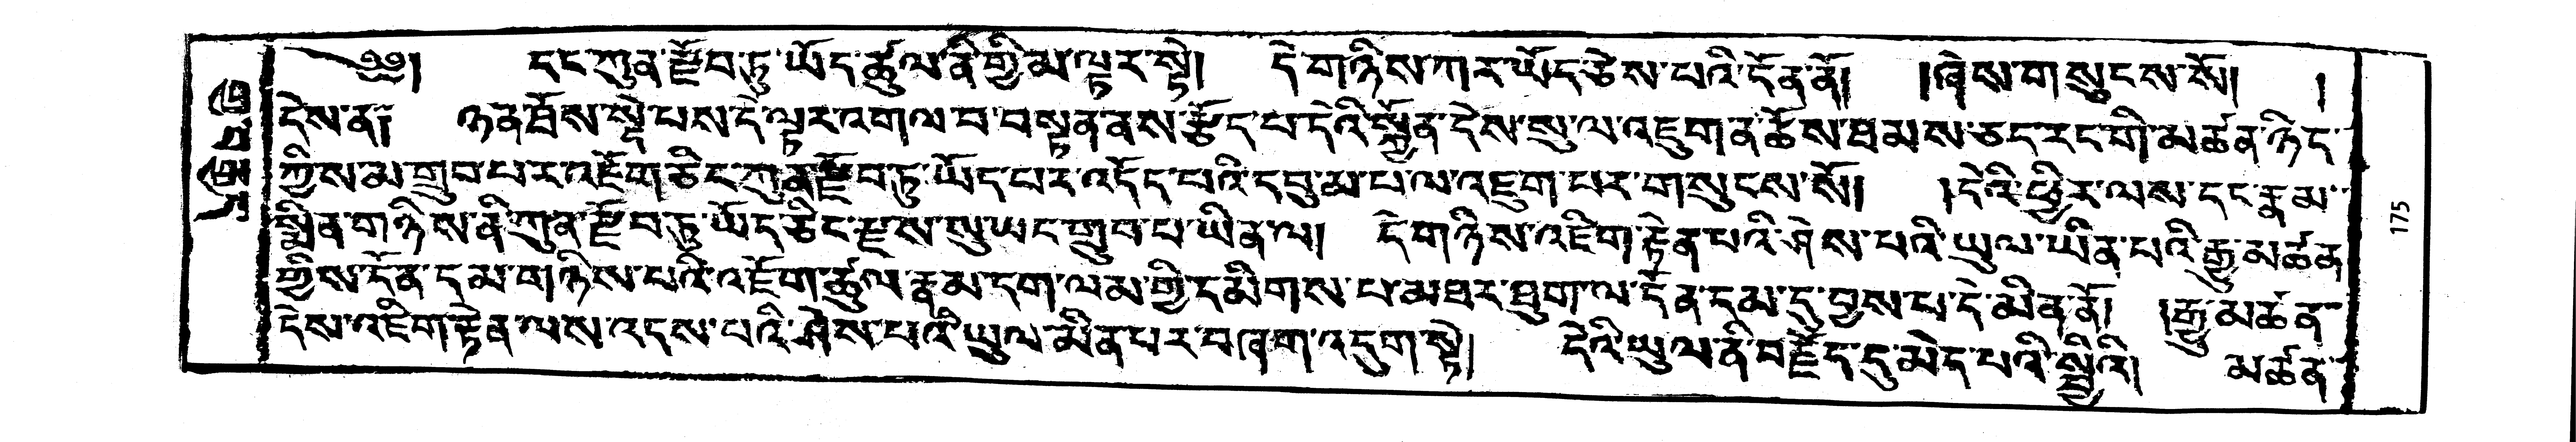༄༅། །དང་ཀུན་རྫོབ་ཏུ་ཡོད་ཚུལ་ནི་གྱི་མ་ལྟར་སྟེ། དེ་གཉིས་ཀར་ཡོད་ཅེས་པའི་དོན་ནོ། །ཞེས་གསུངས་སོ། །
དེས་ན། ཉན་ཐོས་སྡེ་པས་དེ་ལྟར་འགལ་བ་བསྟན་ནས་རྩོད་པ་དེའི་སྐྱོན་དེས་སུ་ལ་འཇུག་ན་ཆོས་ཐམས་ཅད་རང་གི་མཚན་ཉིད་
ཀྱིས་མ་གྲུབ་པར་འཇོག་ཅིང་ཀུན་རྫོབ་ཏུ་ཡོད་པར་འདོད་པའི་དབུ་མ་པ་ལ་འཇུག་པར་གསུངས་སོ། །དེའི་ཕྱིར་ལས་དང་རྣམ་
སྨིན་གཉིས་ནི་ཀུན་རྫོབ་ཏུ་ཡོད་ཅིང་རྫས་སུ་ཡང་གྲུབ་པ་ཡིན་ལ། དེ་གཉིས་འཇིག་རྟེན་པའི་ཤེས་པའི་ཡུལ་ཡིན་པའི་རྒྱུ་མཚན་
གྱིས་དོན་དམ་གཉིས་པའི་འཇོག་ཚུལ་རྣམ་དག་ལམ་གྱི་དམིགས་པ་མཐར་ཐུག་ལ་དོན་དམ་དུ་བྱས་པ་དེ་མིན་ནོ། །རྒྱུ་མཚན་
དེས་འཇིག་རྟེན་ལས་འདས་པའི་ཤེས་པའི་ཡུལ་མིན་པར་བཞག་འདུག་སྟེ། དེའི་ཡུལ་ནི་བརྗོད་དུ་མེད་པའི་སྤྱིའི། །མཚན་